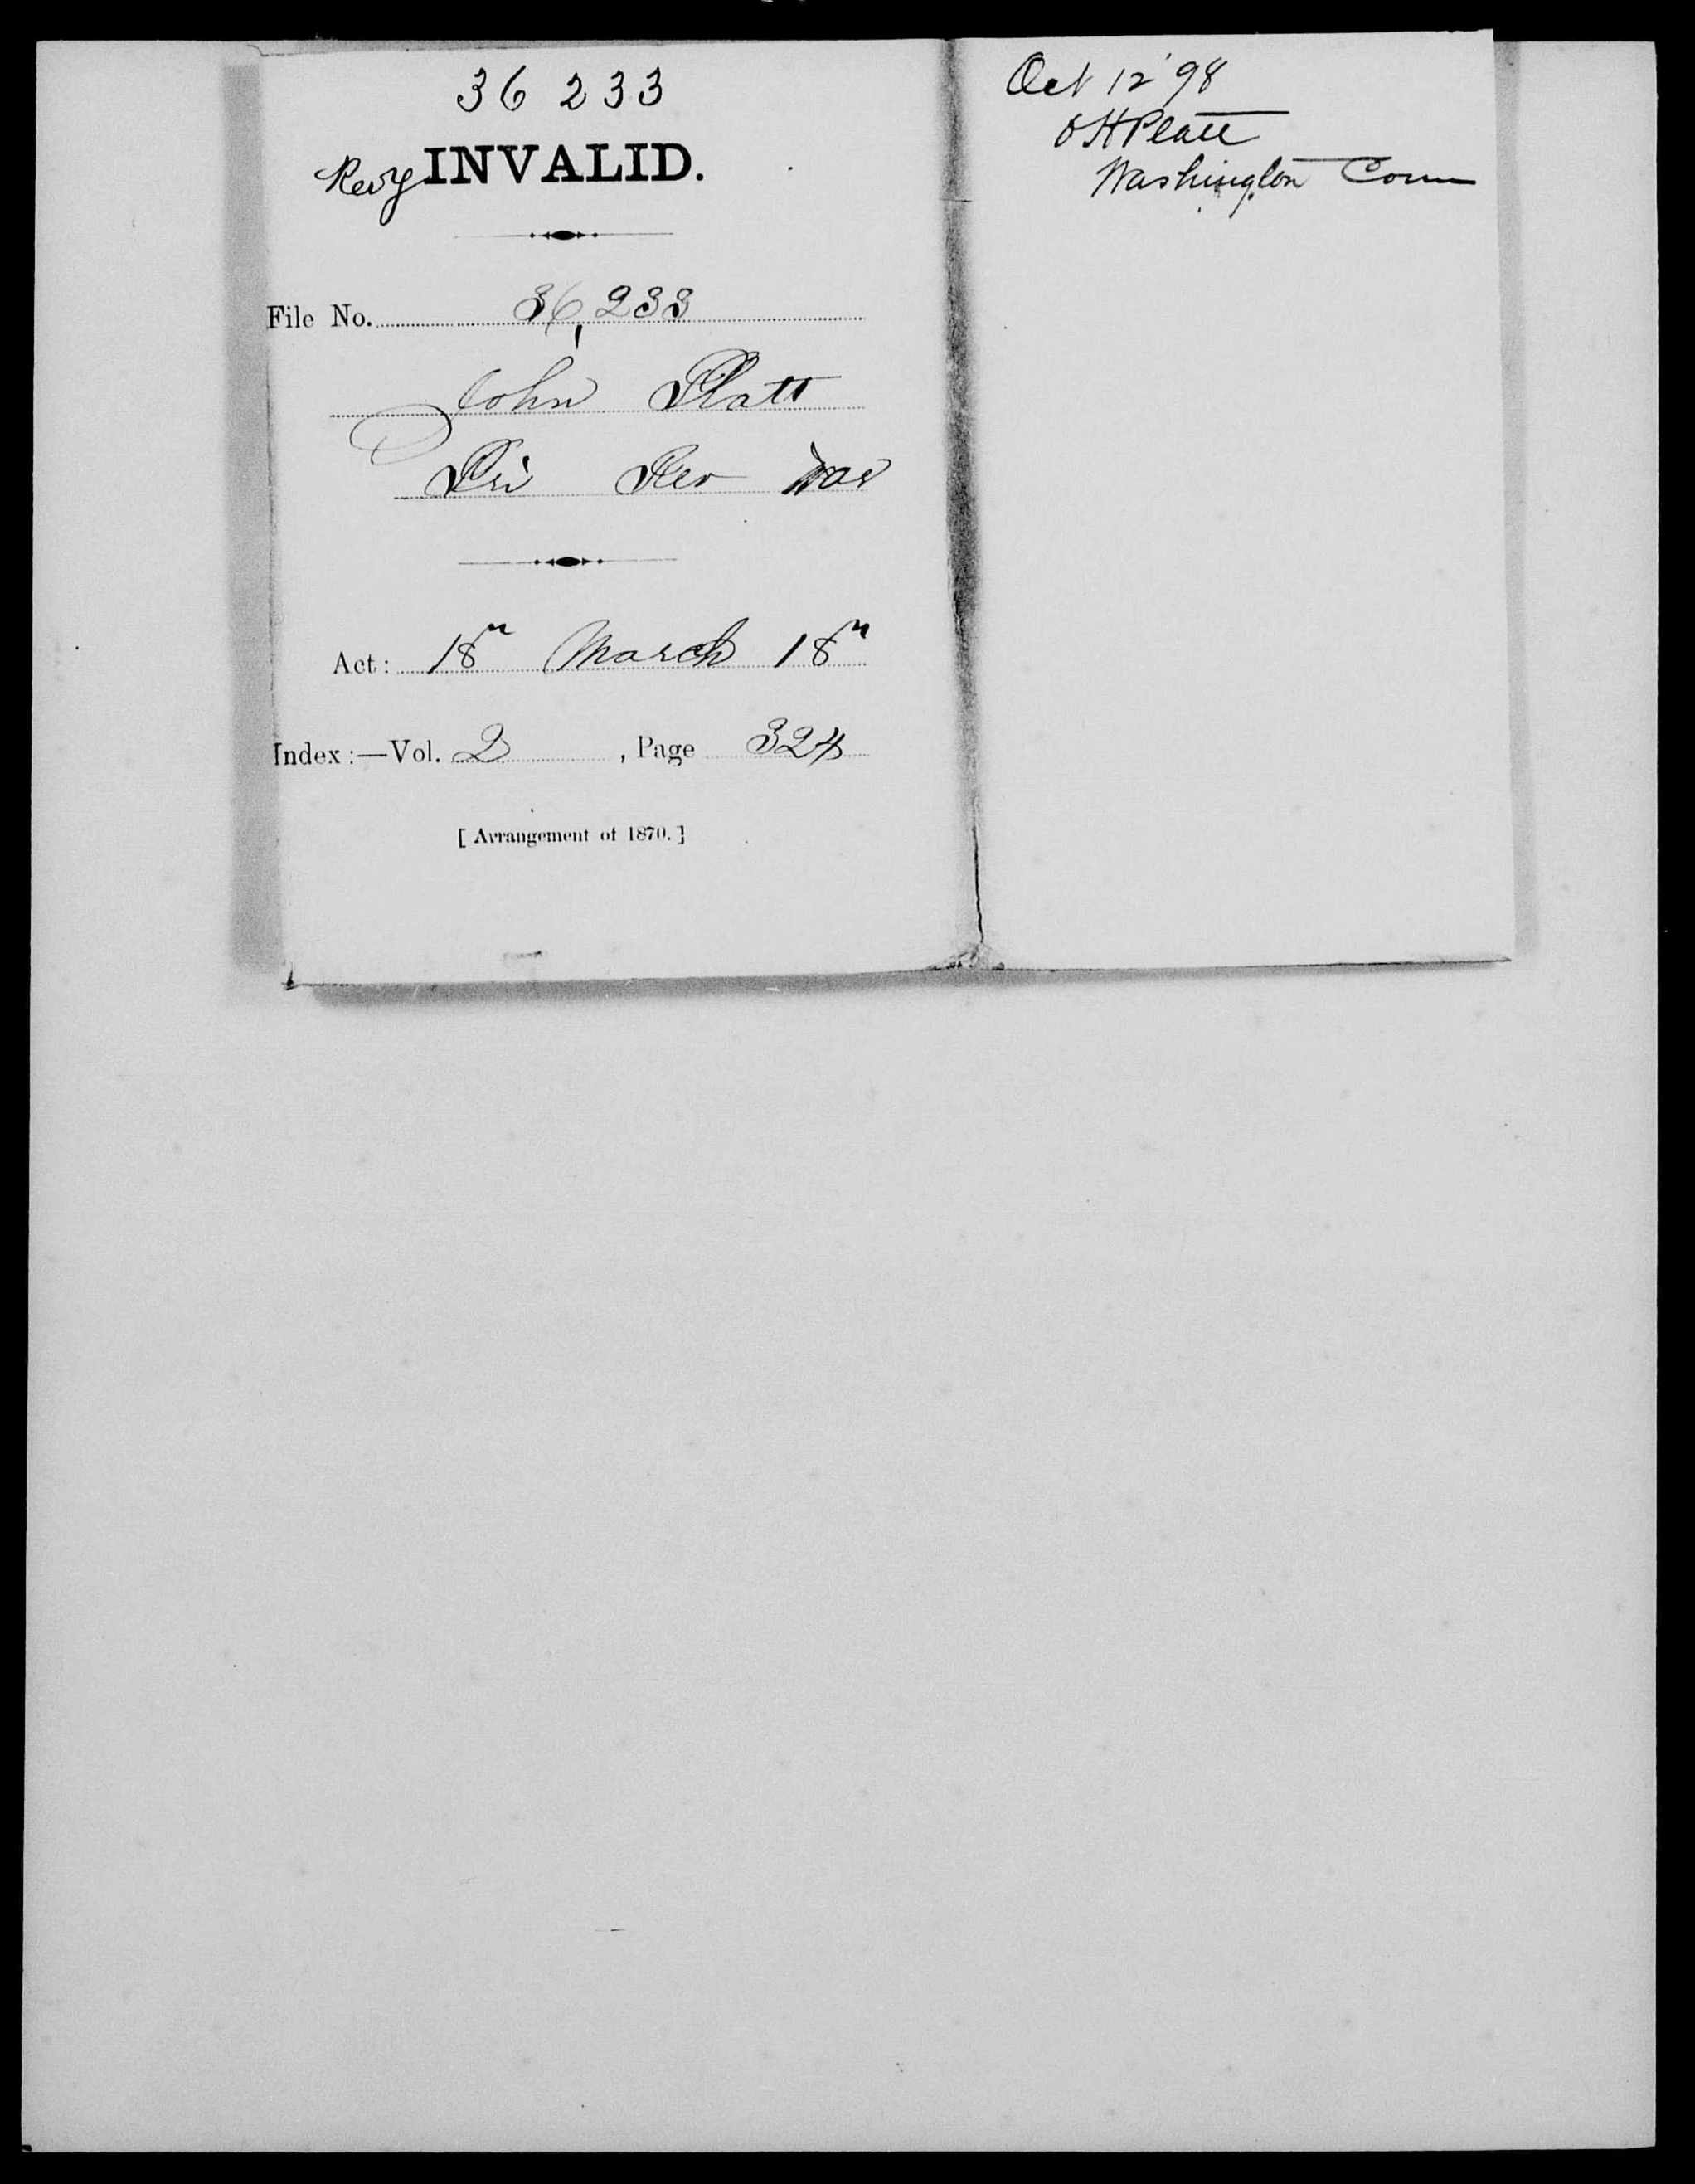36233
Revy INVALID
File No. 36.233
John Platt
Pri Rev War
Act : 18" March 18"
Index: -- Vol. 2, Page 324
[Arrangement of 1870.]
Oct 12 98
O H Pratt
Washington Conn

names: John Platt; O H Platt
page: 10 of 12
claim: survivor's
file: S. 36,233, for John Platt, Connecticut